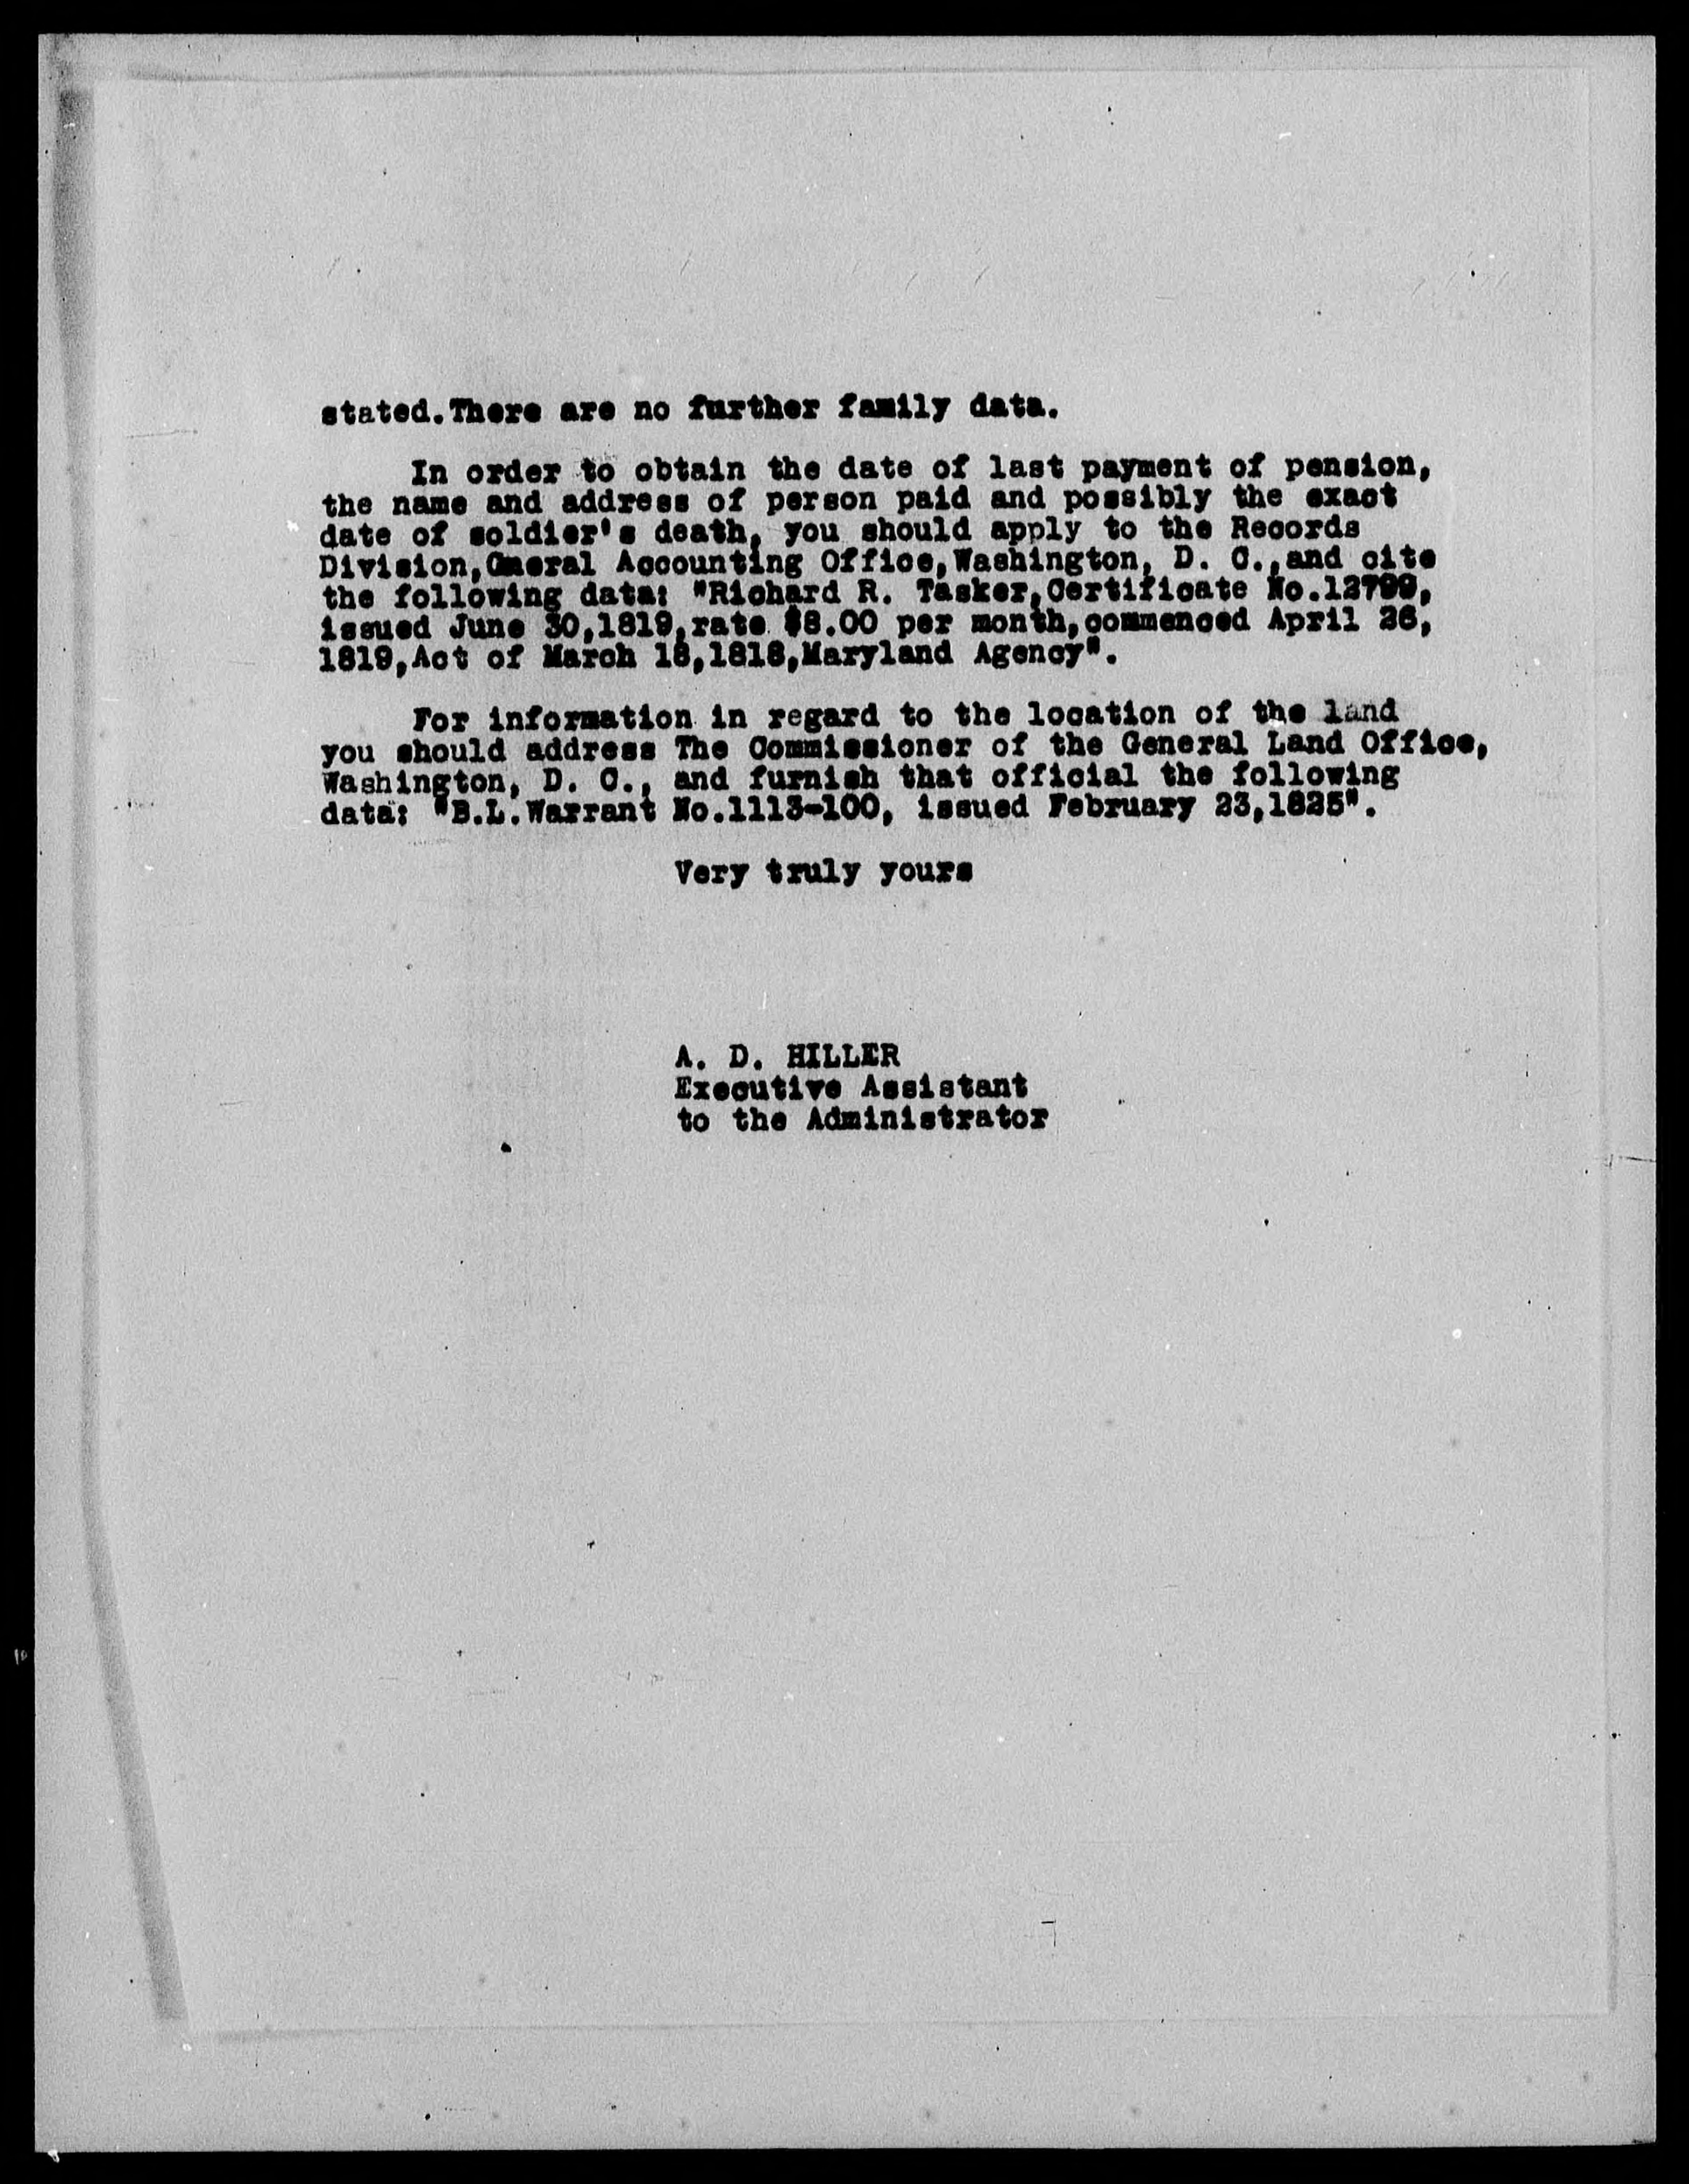stated. There are no further family data.

In order to obtain the date of last payment of pension, the name and address of person paid and possibly the exact date of soldier's death, you should apply to the Records Division, General Accounting Office, Washington, D. C., and cite the following data: "Richard R. Tasker, Certificate No. 12799, issued June 30, 1819, rate $8.00 per month, commenced April 26, 1819, Act of March 18, 1818, Maryland Agency".

For information in regard to the location of the land you should address The Commissioner of the General Land Office, Washington, D. C., and furnish that official the following data: "B.L. Warrant No. 1113-100, issued February 23, 1825".

Very truly yours

A. D. HILLER
Executive Assistant
to the Administrator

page: 15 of 25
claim: survivor's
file: S. 35093, for Richard R Tasker, Maryland